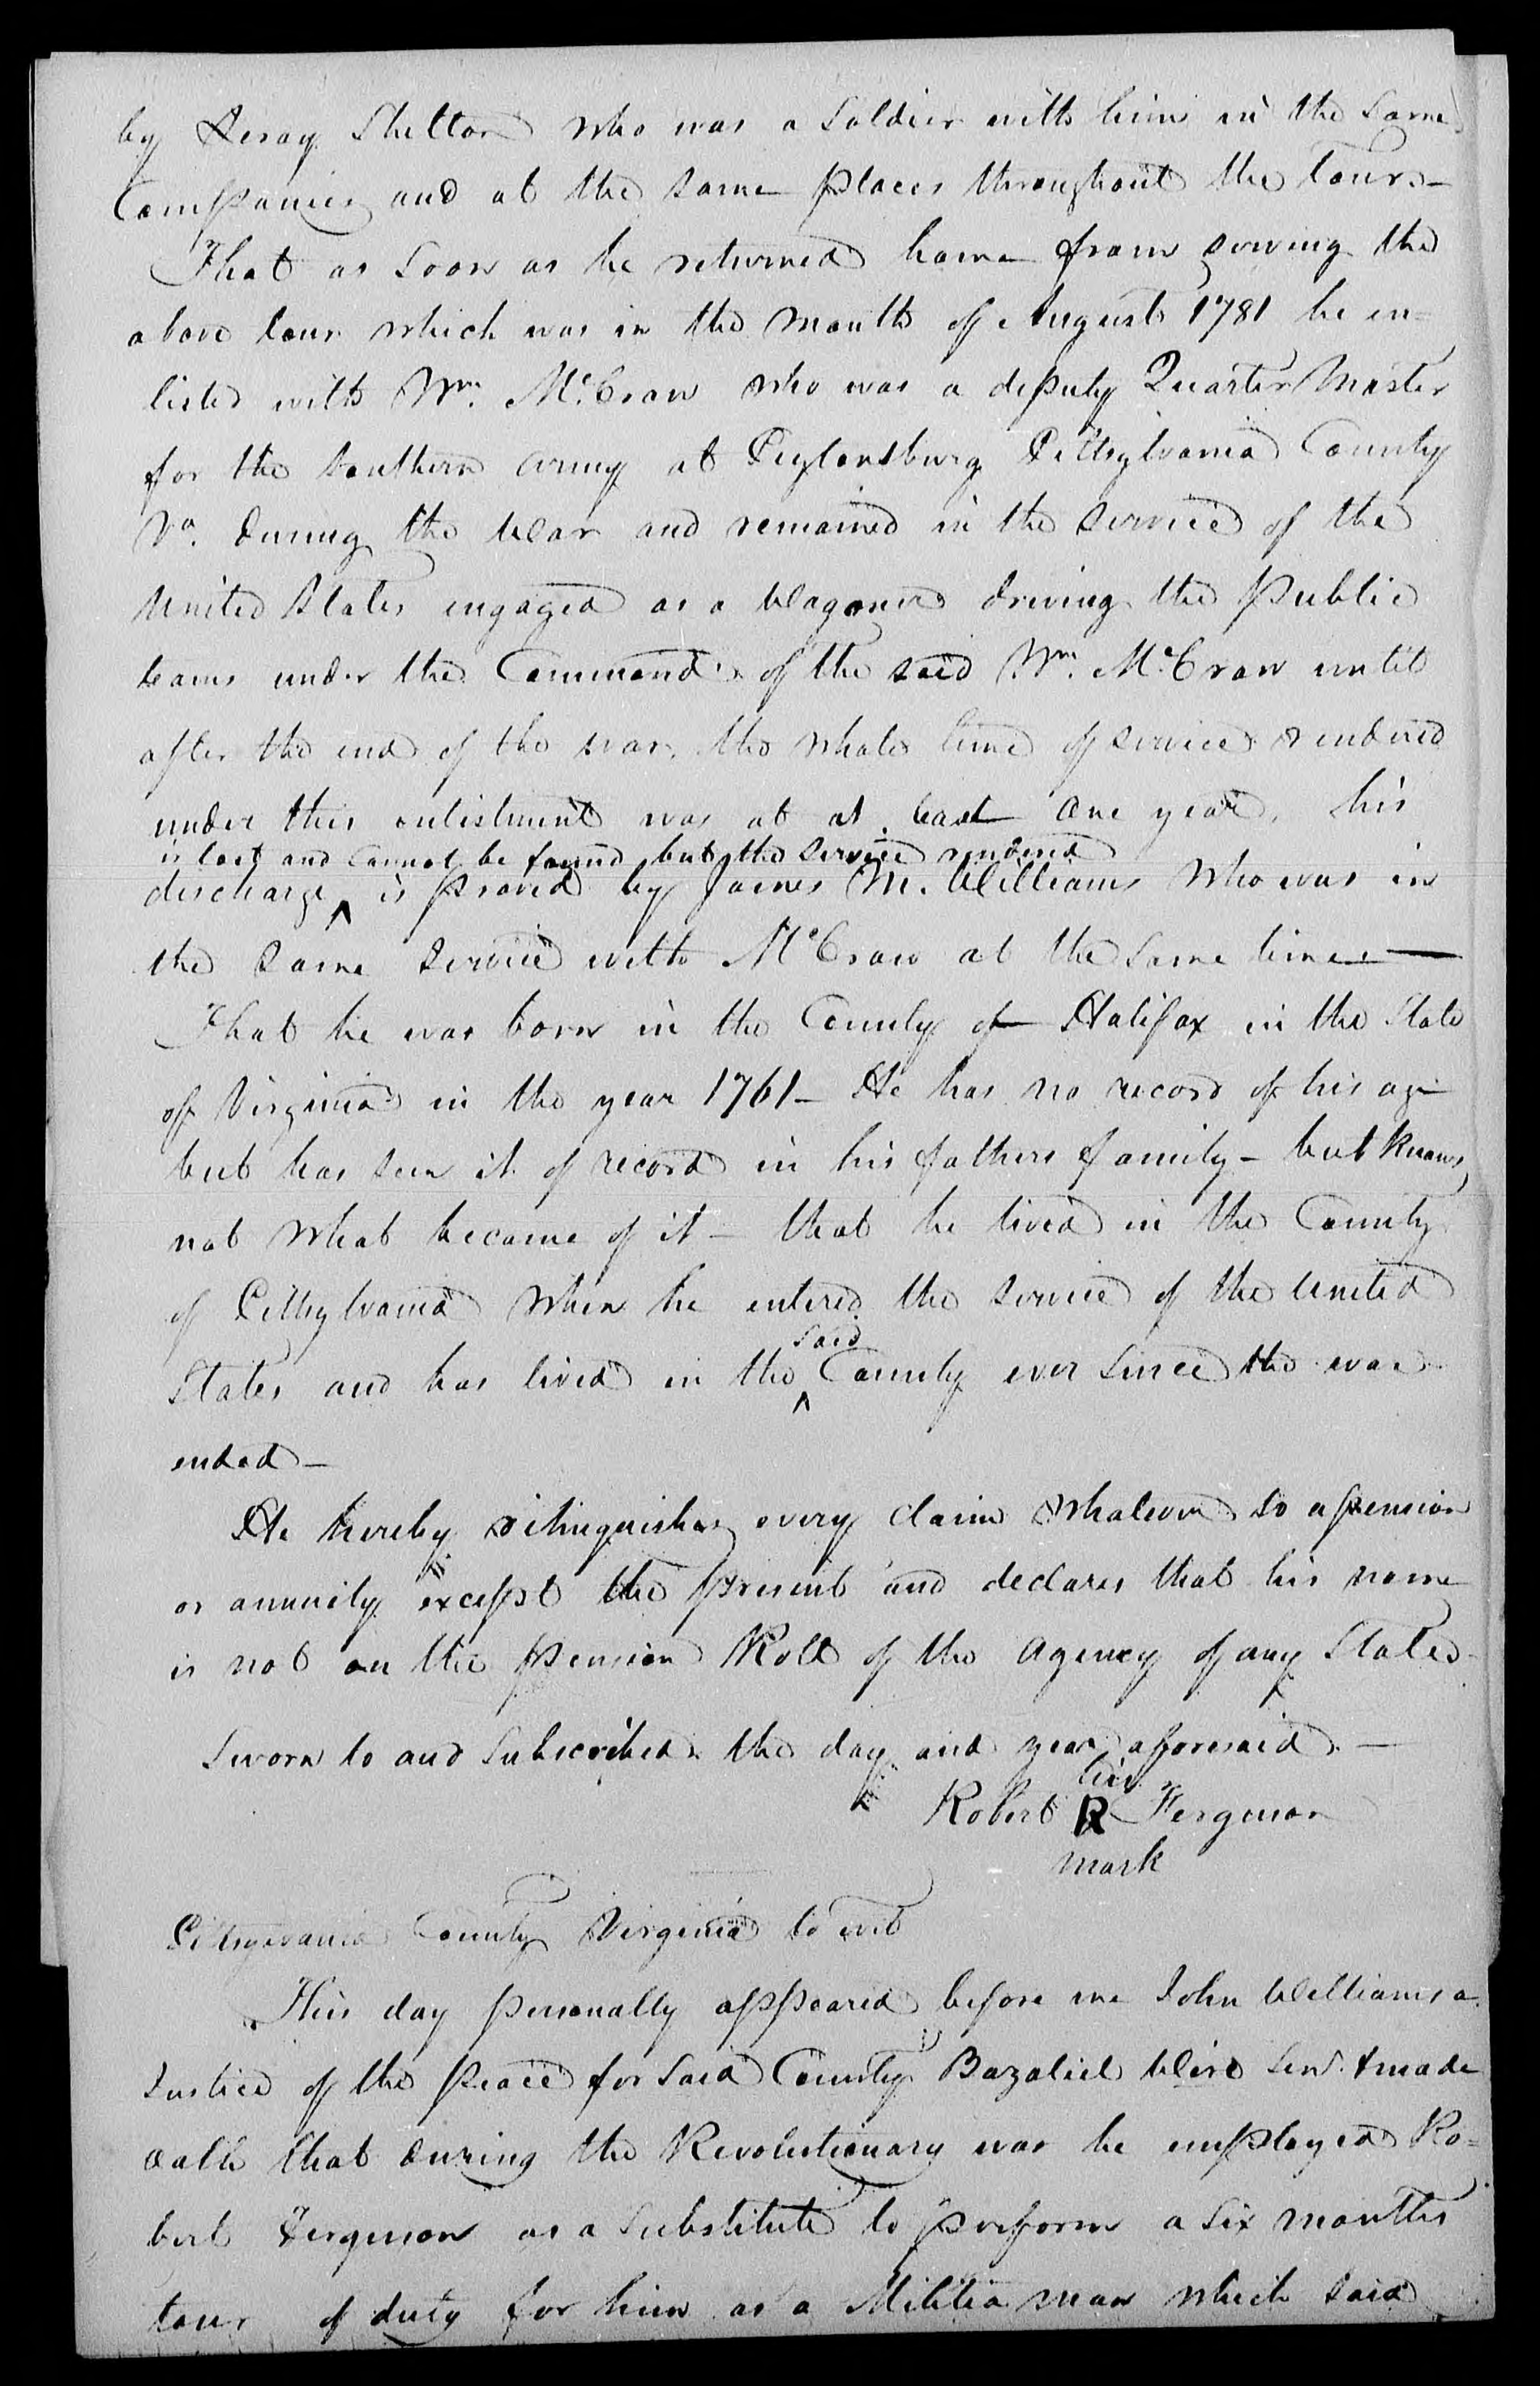by Leray Shelton who was a Soldier with him in the same companies, and at the same places throughout the tours - That as Soon as he returned home from serving his above tour which was in the month of August 1781 he enlisted with Wm. McGraw who was a deputy Quarter Master for the Southern army at Peytonsburg Pittsylvania County Va. during the war and remained in the service of the United States engaged as a Wagoneer driving the public teams under the Command of the said Wm. McGraw until after the end of the war, the whole time of service rendered under this enlistment was at least one year, his discharge ^is lost and cannot be found but the service rendered is proved by James M. Williams who was in the same service with McGraw at the same time - that he was born in the County of Halifax in the State of Virginia in the year 1761 - He has no record of his age but has seen it of record in his fathers family - but knows not what became of it - that he lived in the County of Pittsylvania when he entered the service of the United States and has lived in the ^said County ever since the war ended - 
He hereby relinquishes every claim whatever to a pension or annuity except the present and declares that his name is not on the pension Roll of the Agency of any States.
Sworn to and Subscribed this day and year aforesaid - 
           his
Robert  R  Ferguson
           mark
Pittsylvania county Virginia to wit
This day personally appeared before  me John Williams a Justice of the Peace for Said County Bazaliel Wire Sen. & made oath that during the Revolutionary war he employed Robert Ferguson as a Substitute to perform a six months tour of duty for him as a Militia man which said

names: Wm Mc Craw, Robert Ferguson, Robert Ferguson, Wm Mc Craw, Bazaliel Wire, John Williams, James M Williams, Mc Craw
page: 17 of 81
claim: widow's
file: W. 7262, Robert Ferguson, Va.